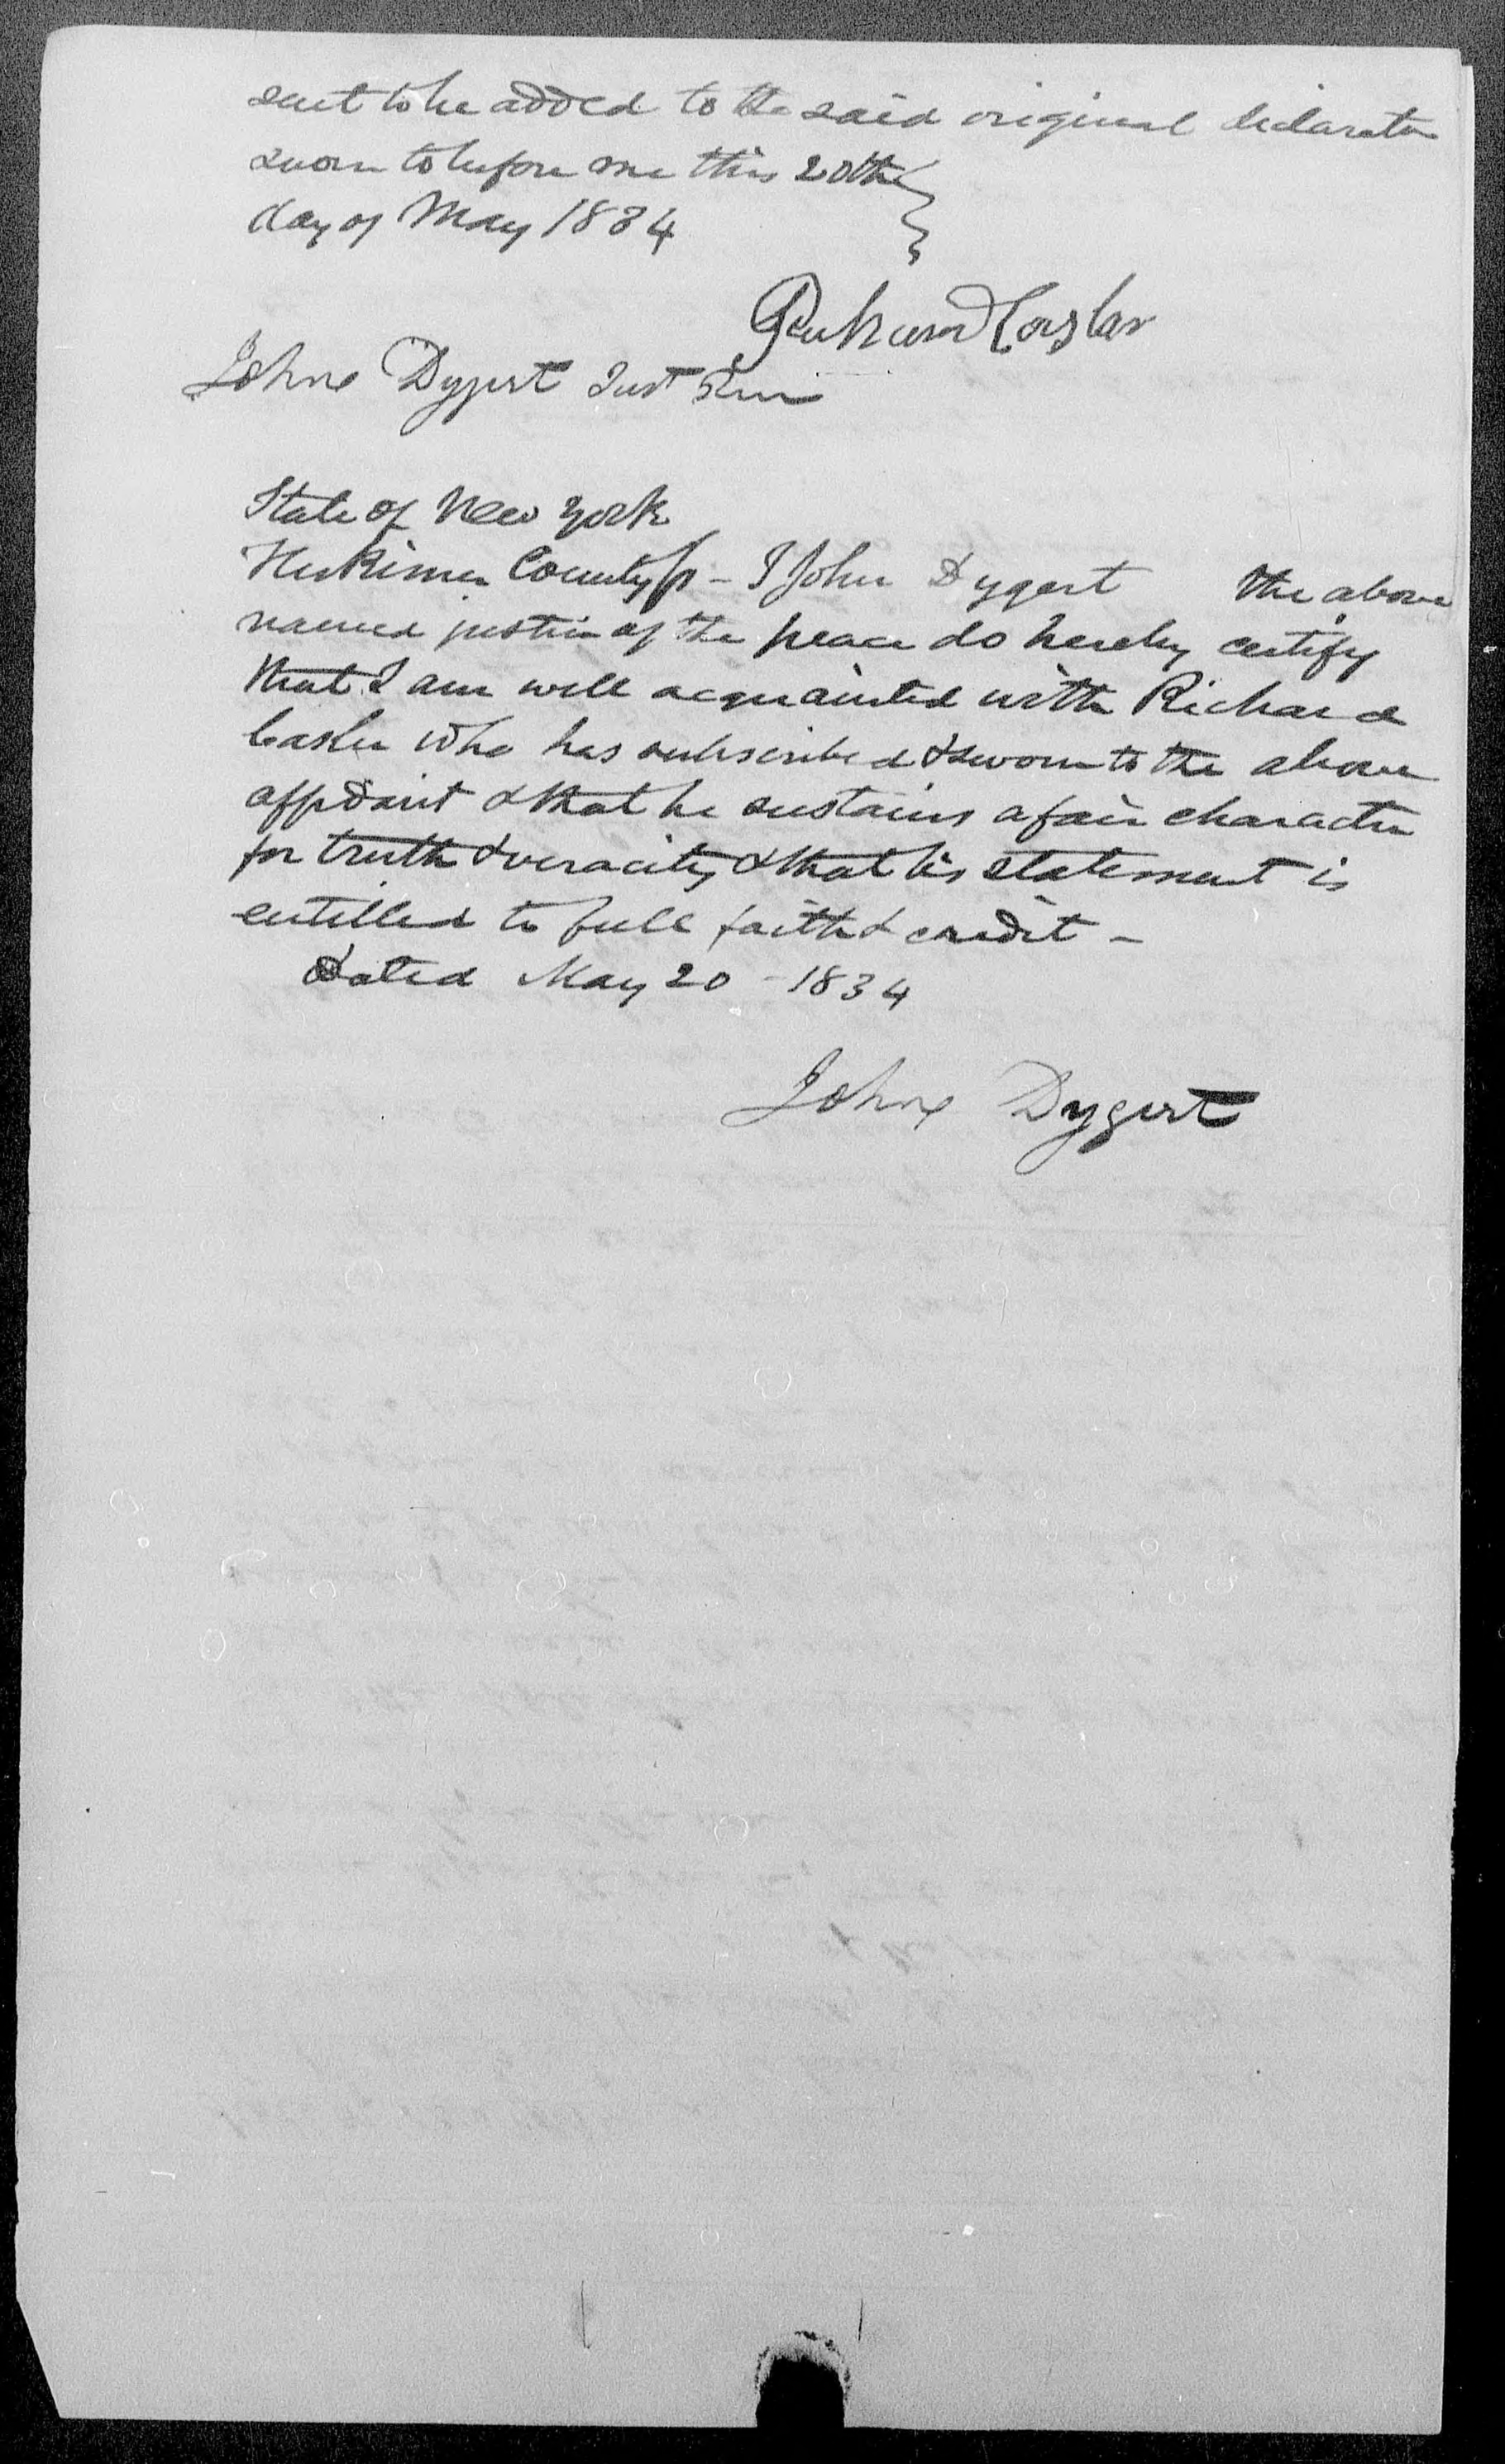said to be added to the said original declarator 
[signed] Richard Caslar
sworn to before me this 20th day of May 1834 
[signed] John Dygert Just Peace

State of New York 
Herkimer County ss - I John Dygert the above named justice of the peace do hereby certify that I am well acquainted with Richard Casler who has subscribed & sworn to the above affidavit & that he sustains a fair character for truth & veracity & that his statement is entitled to full faith & credit – 
Dated May 20 1834 
[signed] John Dygert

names: John Dygert, John Dygert, Richard Casler, Richard Caslar, John Dygert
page: 37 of 66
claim: widow's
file: W. 6637, Richard Caslar, New York